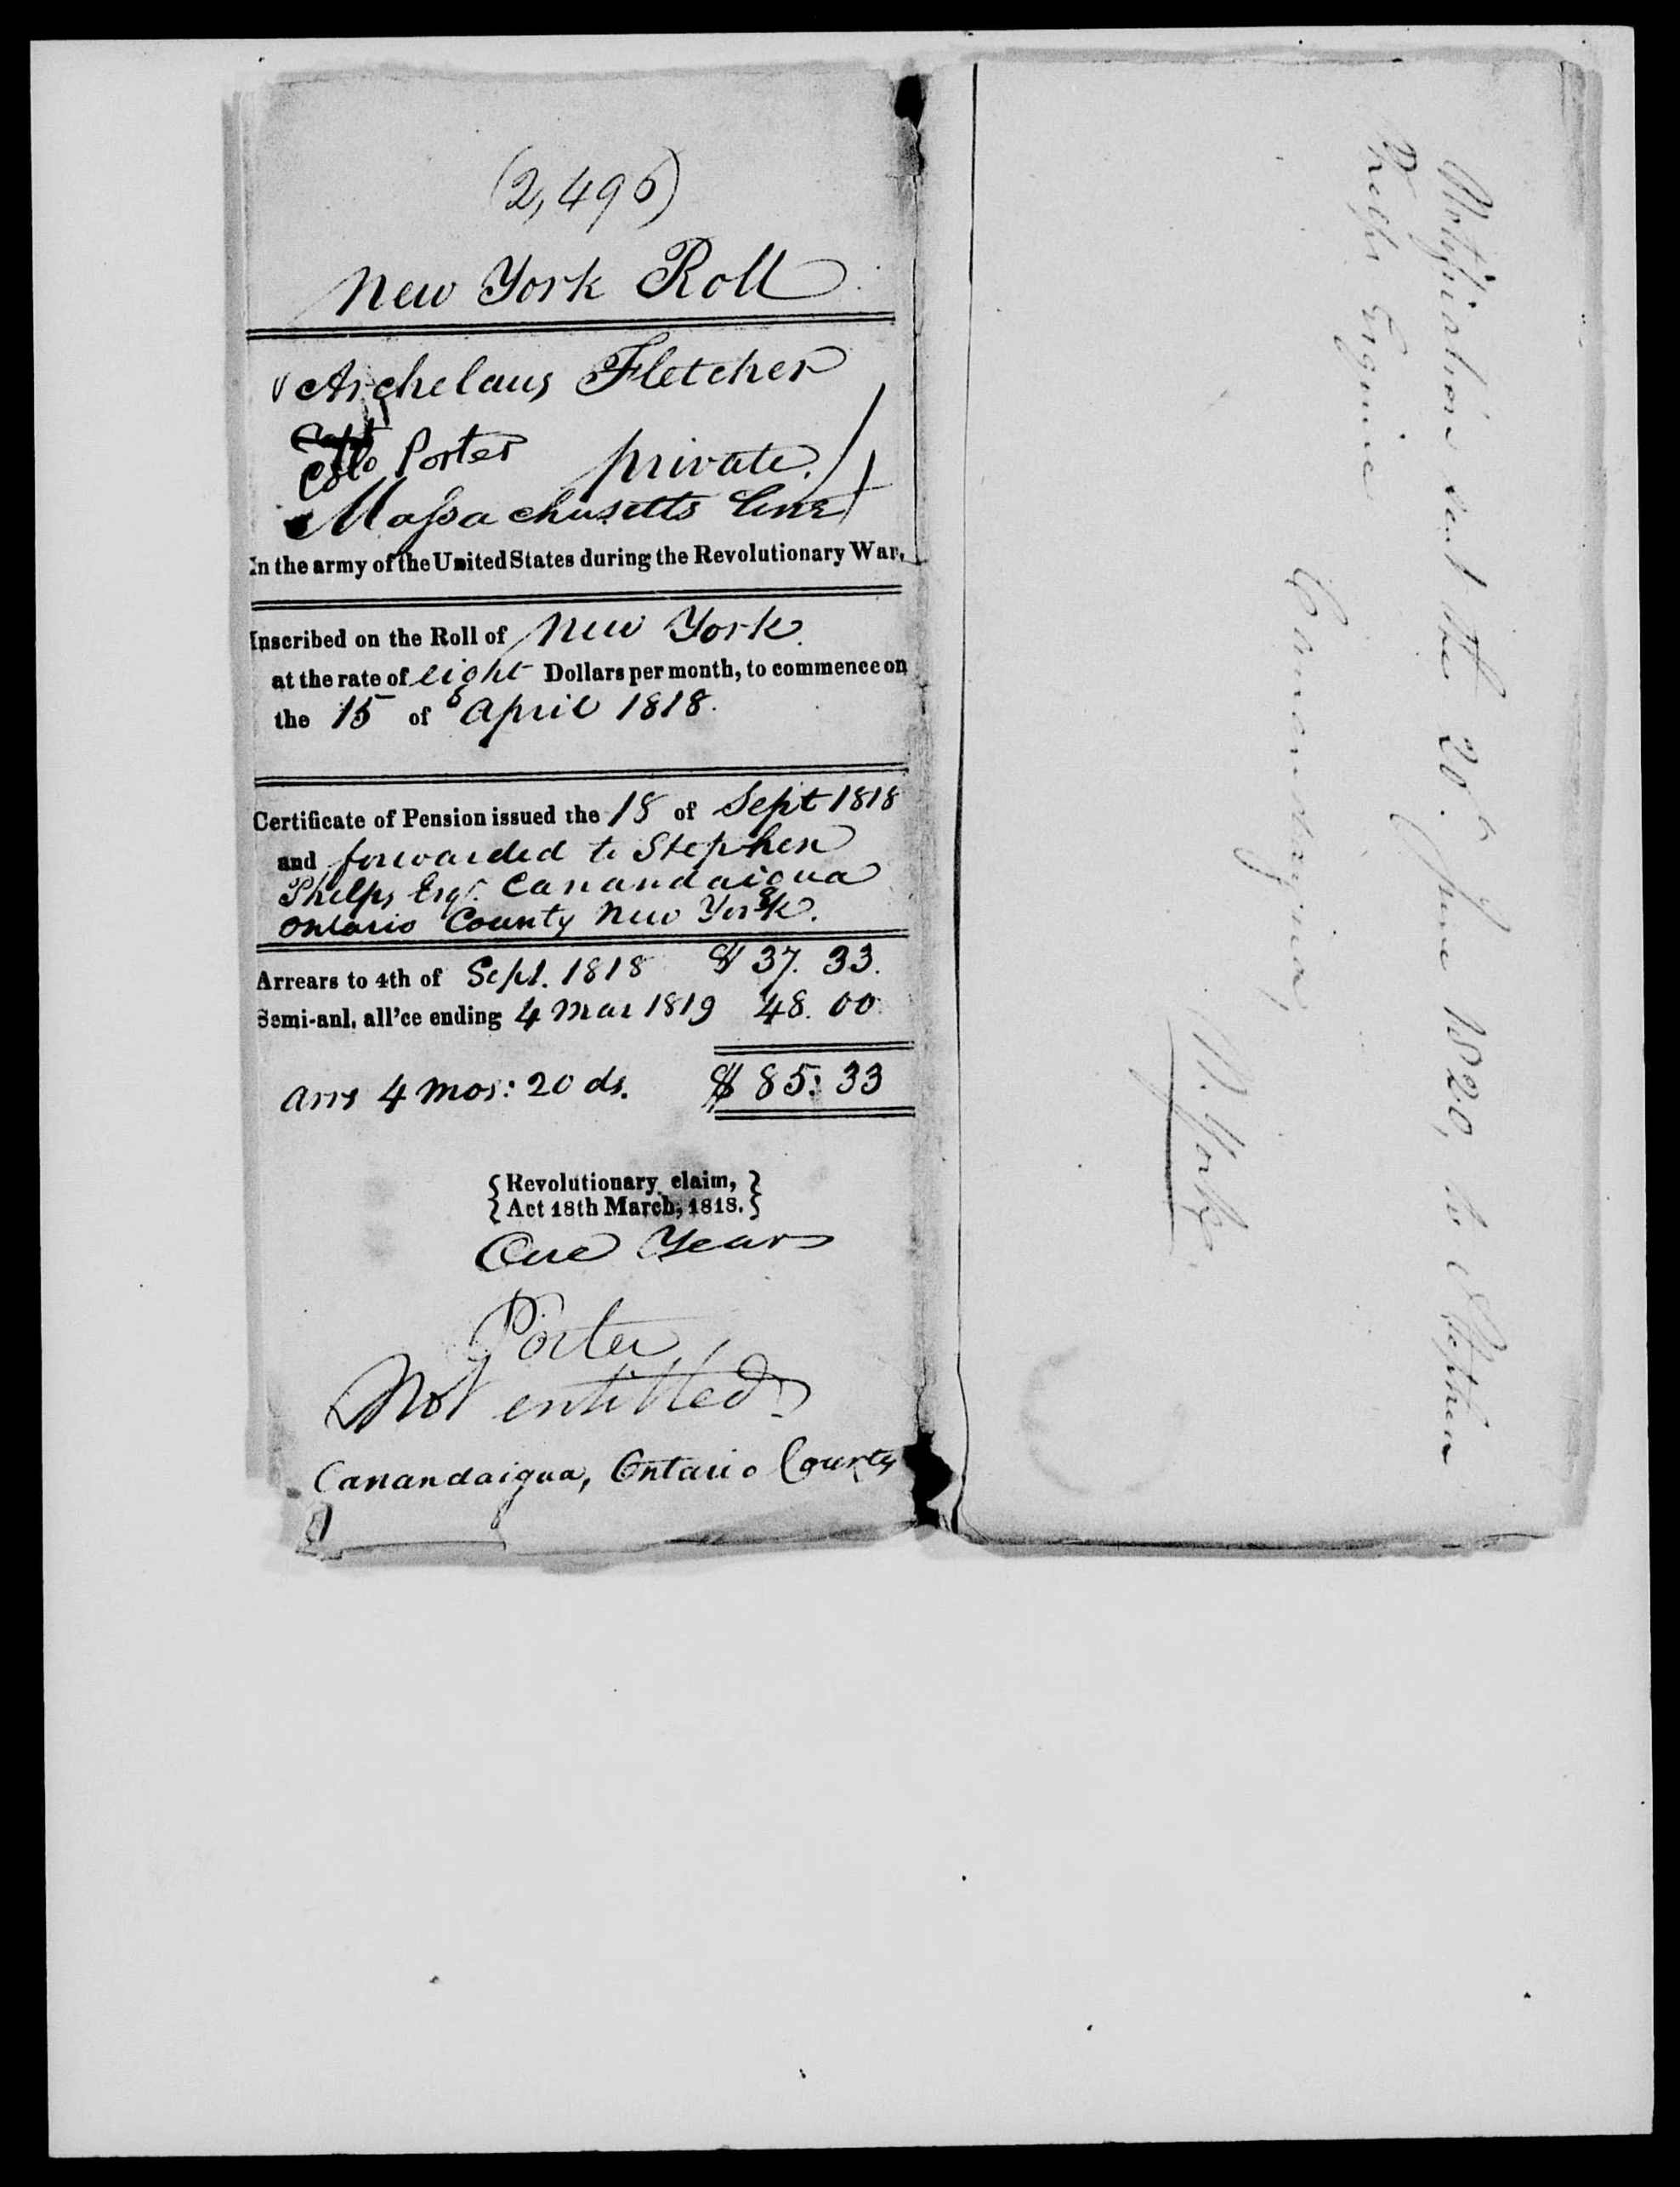(2496)
New York Roll
Archelaus Fletcher
Colo Porter
Private

Massachusetts line
In the army of the United States during the Revolutionary War

Inscribed on the Roll of New York
at the rate of eight dollars per month, to commence on the 15 of April 1818

Certificate of pension issued the 18 of Sept 1818 and forwarded to Stephen Phelps Esq. Canandaigua 
Ontario County New York

Arrears to 4th of Sept. 1818  $37.33
Semi-anl, all'ce ending 4 Mar 1819 $48.00
(illegible) 4 mos: 20ds  $85.33

{Revolutionary claim, Act 18th March, 1818}
One Year
Porter
Not entitled
Canandaigua, Ontario County
[end left side]

Notification sent the 20th June 1820 to Stephen Phelps Esquire Canandaigua, N. York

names: Archelaus Fletcher, Porter, Stephen Phelps, Porter, Stephen Phelps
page: 2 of 18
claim: survivor's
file: S. 44822, Archelaus Fletcher, Mass.